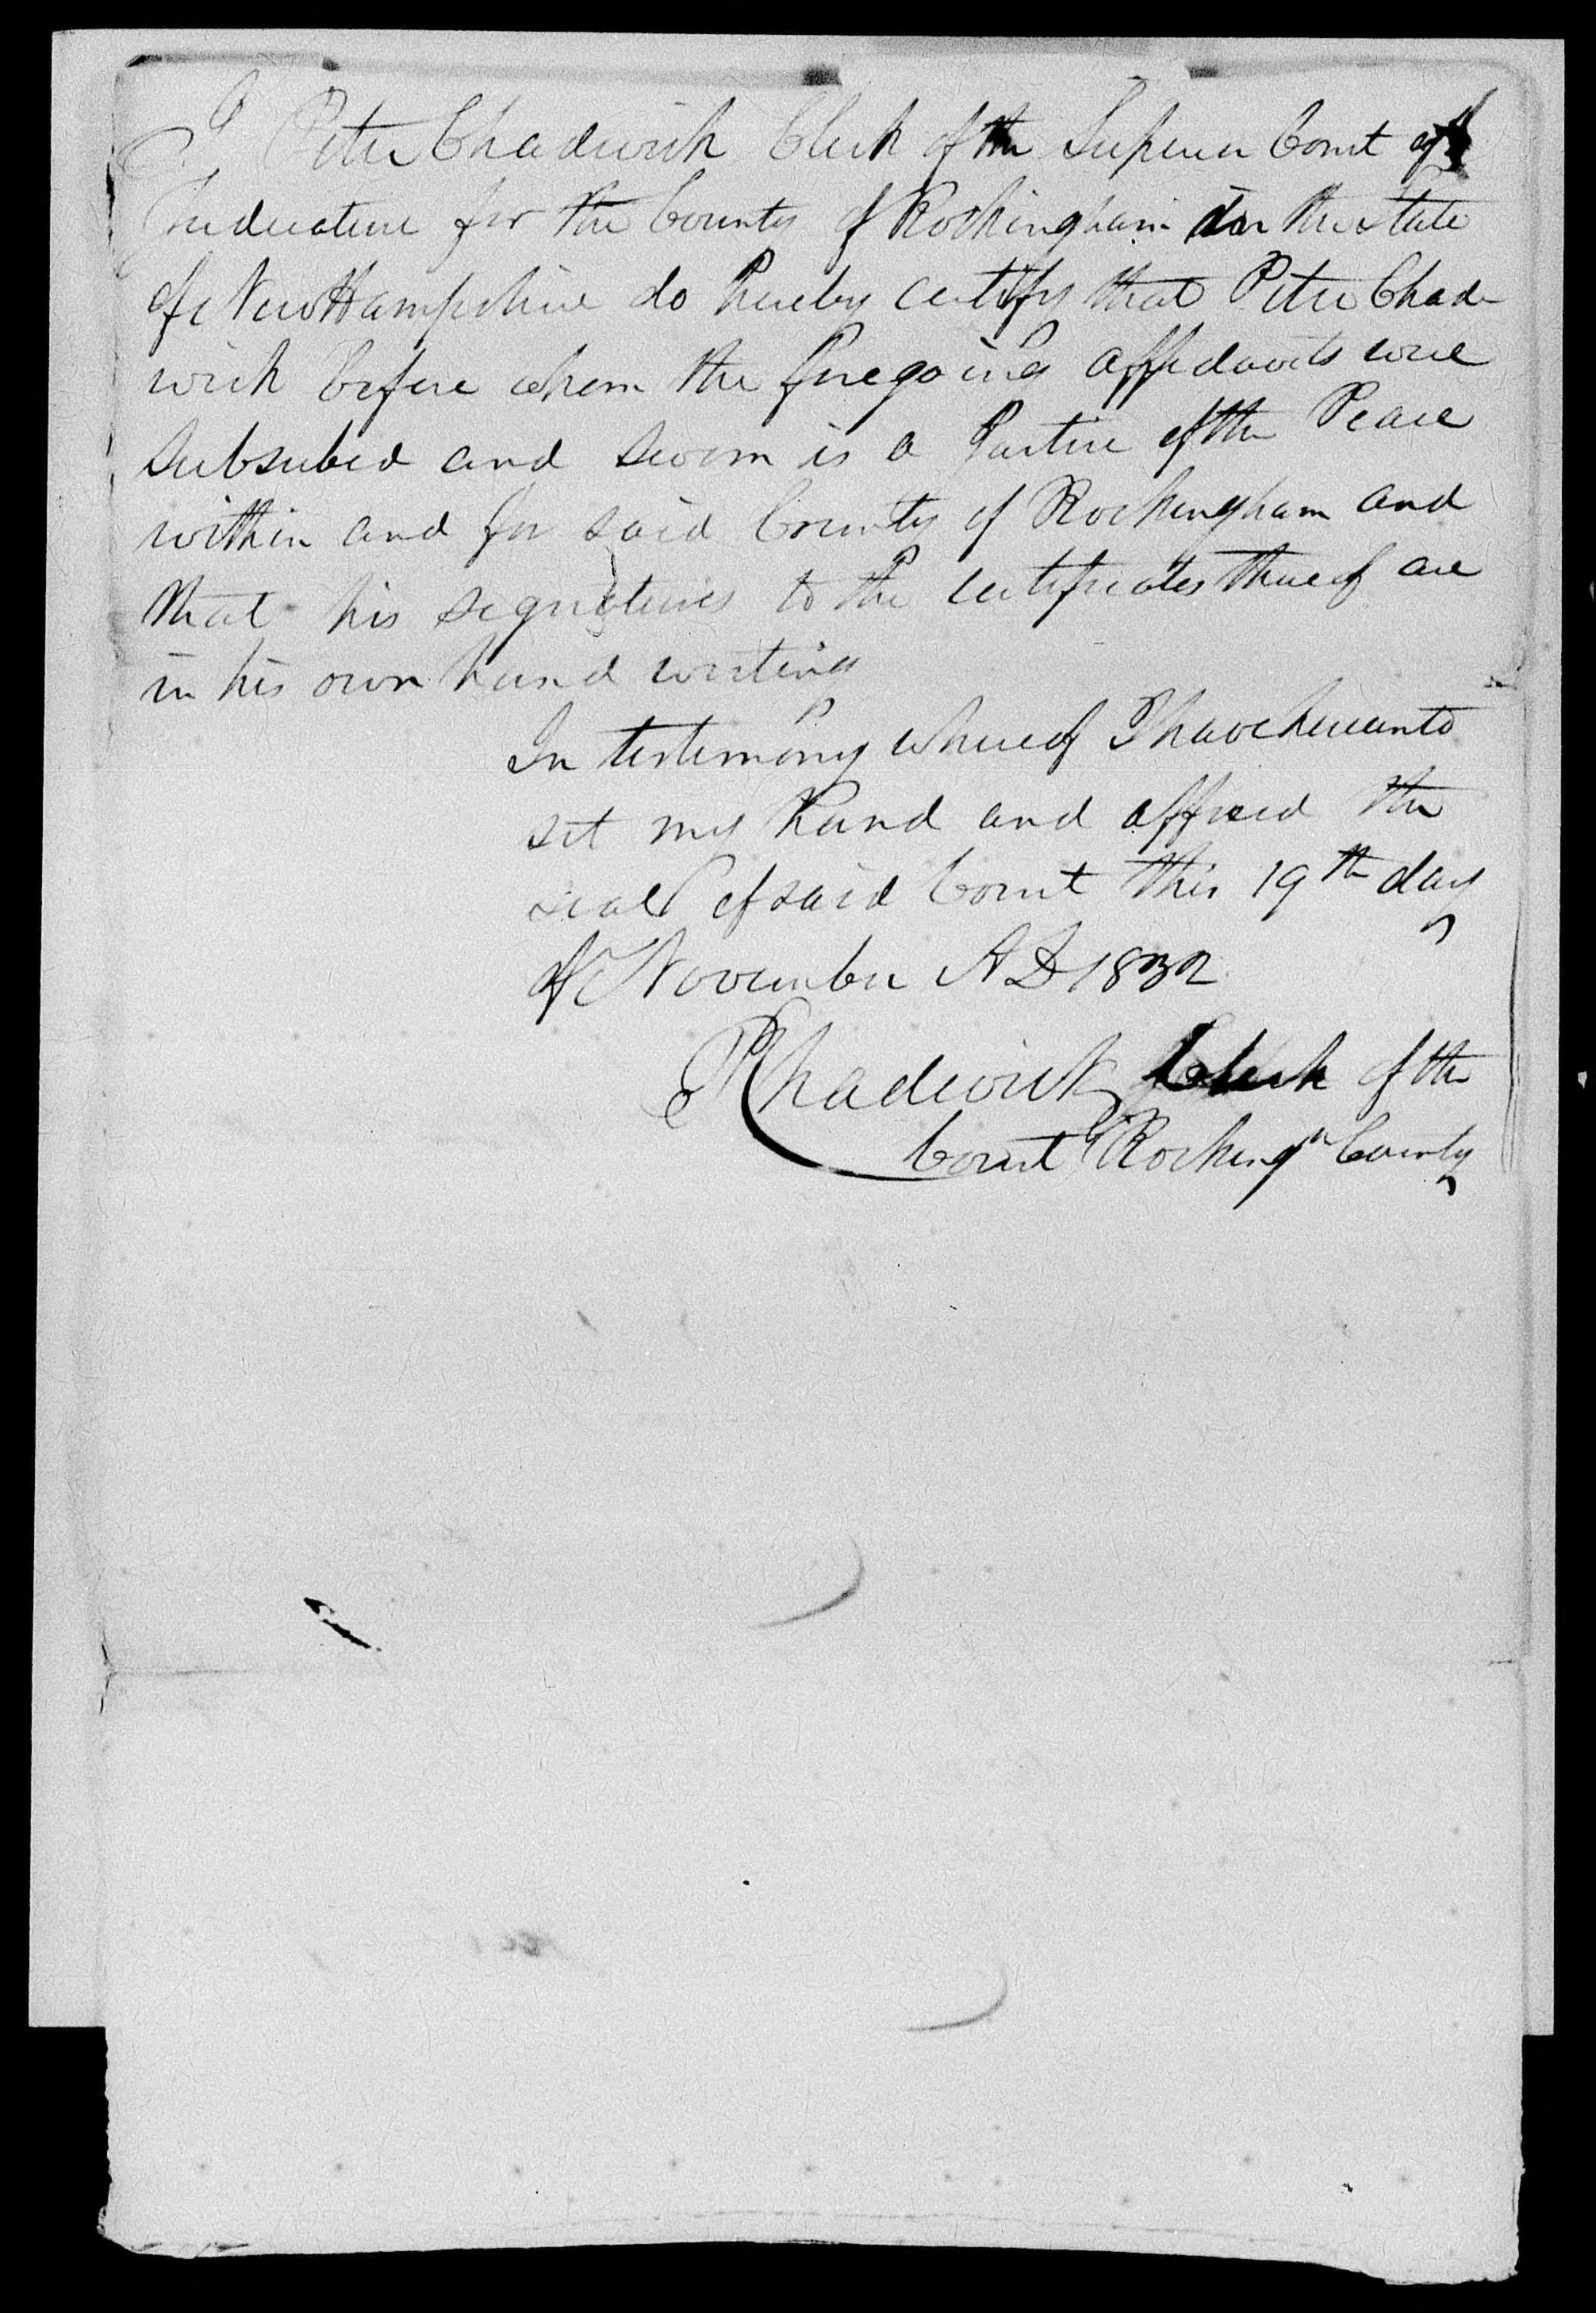I Peter Chadwick Clerk of the Superior Court of
Judicature for the County of Rockingham in the State of New Hampshire do hereby certify that Peter Chadwick before whom the foregoing affidavits were subscribed and sworn is a Justice of the Peace within and for said County of Rockingham and that his signatures to the certificates thereof are in his own hand writing [sic] 
In testimony whereof I have hereunto set my hand and affixed the seal of said Court this 19th day of November AD 1832
P Chadwick Clerk of the Court Rockingham County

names: Peter Chadwick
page: 49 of 53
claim: widow's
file: W. 492, for Daniel Lamprey, New Hampshire